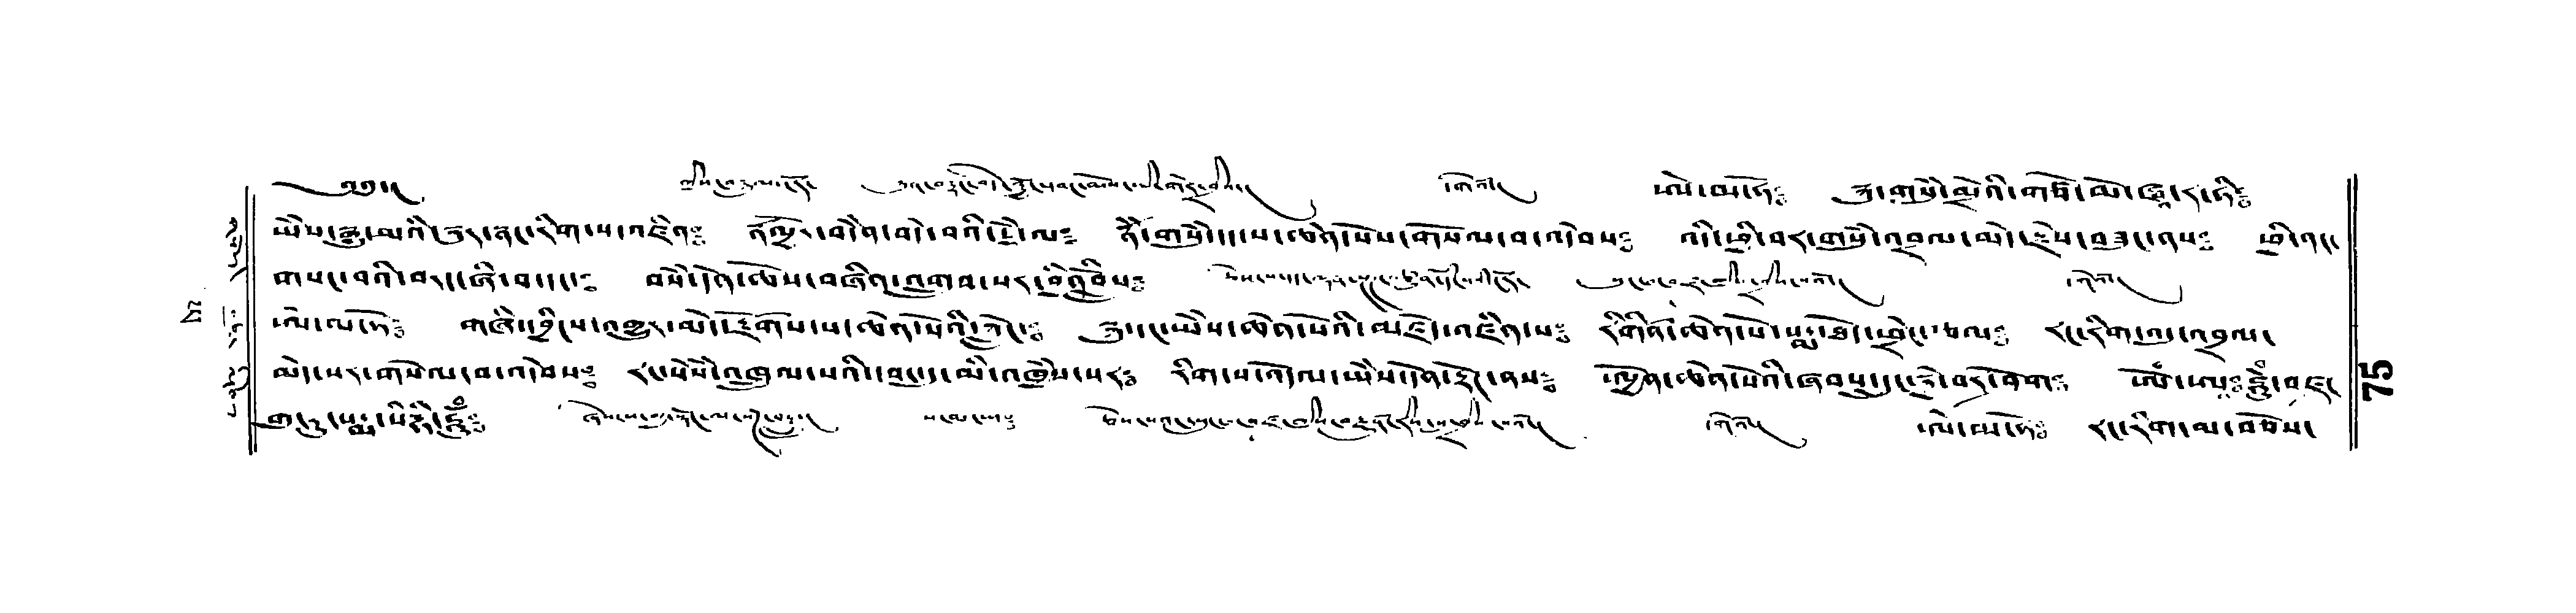གྱིས་བསྐུལ་ངོར། །ཀུན་བཟང་བདེ་སྐྱོང་དབང་མོས་ཡི་གེར་བྲིས།། དགེའོ།། ཨེ་མ་ཧོཿ སྐུ་གསུམ་མཁའ་འགྲོའི་གཙོ་མོ་ཝཱ་ར་ཧི༔ 
ཡེ་ཤེས་སྒྱུ་མའི་སྐུར་སྣང་རིག་པ་འཛིན༔ རྣལ་འབྱོར་བདེ་ཆེན་བདེ་བའི་རྡོ་རྗེ་ལ༔ རྣམ་གསུམ་དད་པ་ཆེན་པོས་གསོལ་བ་འདེབས༔ འདི་ཕྱིར་བར་གསུམ་འབྲལ་མེད་རྗེས་བཟུང་ནས༔ ཕྱི་ནང་
གསང་བའི་བར་ཞི་བ་དང༔བསམ་དོན་ཆོས་བཞིན་འགྲུབ་པར་བྱིན་གྱིས་རློབས༔ ཅེས་པ་དད་ལྡན་སྔགས་བཙུན་དམ་པའི་ངོར། སུ་ཁ་བཛྲ་གྱིས་བྲིས་པའོ།། 
ཨེ་མ་ཧོཿ གཞི་དབྱིངས་འགྱུར་མེད་རྫོགས་པ་ཆེན་པོའི་ཀློང༔ སྐུ་དང་ཡེ་ཤེས་ཆེན་པོའི་མཛོད་འཛིན་པ༔ རིག་འཛིན་ཆེན་པོ་པདྨ་ཐོད་ཕྲེང་རྩལ༔ རང་རིག་འདུ་འབྲལ་
མེད་པར་གསོལ་བ་འདེབས༔ རང་སེམས་འཁྲུལ་པའི་དབང་དུ་མི་འཁྱམས་པར༔ རིག་པ་འོད་གསལ་ཡེ་ཤེས་དོན་རྟོགས་ནས༔ ཨོ་རྒྱན་ཆེན་པོའི་ཞབས་དྲུང་སྐྱེ་བར་ཤོག༔ ཨོཾ་ཨཱཿཧཱུྃ་བཛྲ་
གུ་རུ་པདྨ་སིདྡྷི་ཧཱུྃ༔ ཞེས་པ་བརྒྱ་སྟོང་ལ་སོགས་བཟླ༔ ས་མ་ཡ༔ ཅེས་པའང་སུ་ཁ་བཛྲ་གྱིས་བརྫུན་རིས་སུ་བྲིས་པའོ།། ཨེ་མ་ཧོ། རང་རིག་མ་བཅོས་